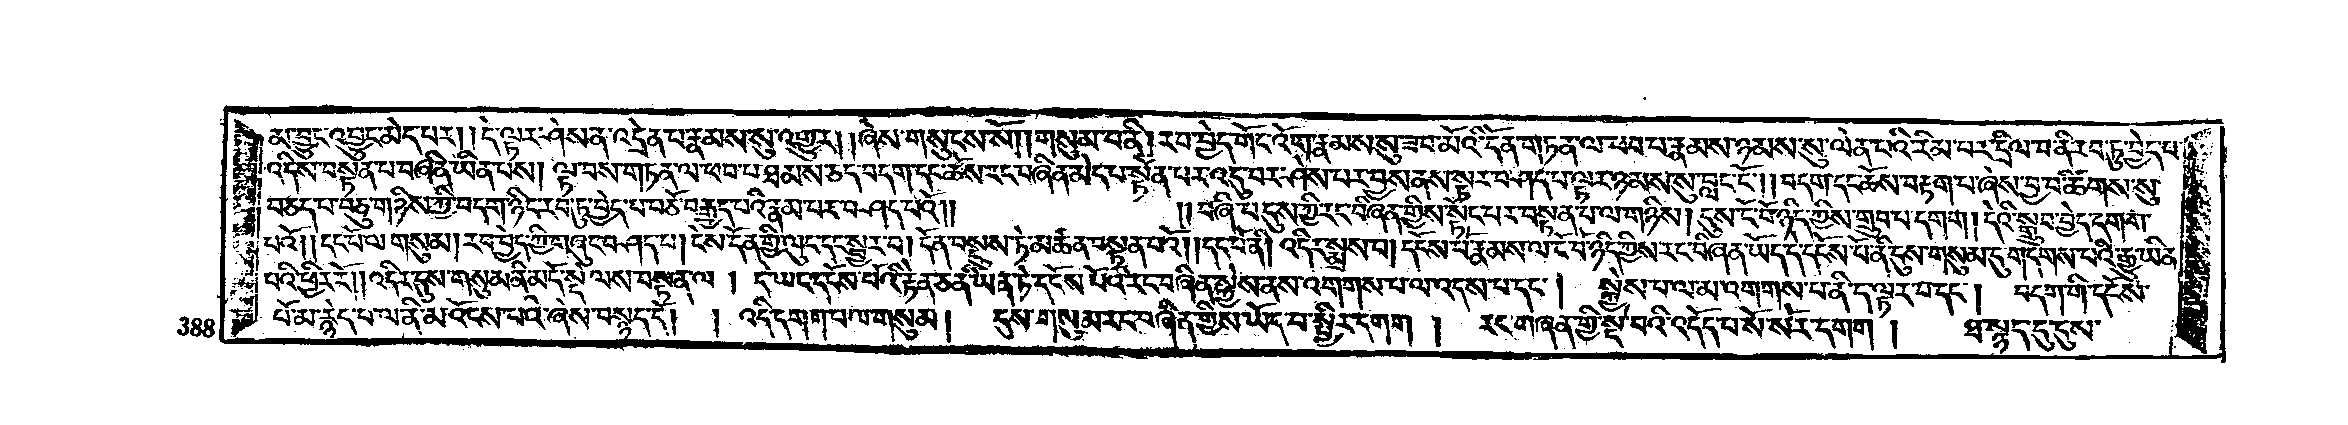མ་བྱུང་འབྱུང་མེད་པར། །དེ་ལྟར་ཤེས་ན་འདྲེན་པ་རྣམས་སུ་འགྱུར། །ཞེས་གསུངས་སོ། །གསུམ་པ་ནི། རབ་བྱེད་གོང་འོག་རྣམས་སུ་ཟབ་མོའི་དོན་གཏན་ལ་ཕབ་པ་རྣམས་ཉམས་སུ་ལེན་པའི་རིམ་པར་དྲིལ་བ་ནི་རབ་ཏུ་བྱེད་པ་
འདིས་བསྟན་པ་བཞིན་ཡིན་པས། ལྟ་བས་གཏན་ལ་ཕབ་པ་ཐམས་ཅད་བདག་དང་ཆོས་རང་བཞིན་མེད་པ་སྟོན་པར་འདུ་བར་ཤེས་པར་བྱས་ནས་སྔར་བཤད་པ་ལྟར་ཉམས་སུ་བླང་ངོ། །བདག་དང་ཆོས་བརྟག་པ་ཞེས་བྱ་བ་ཚིགས་སུ་
བཅད་པ་བཅུ་གཉིས་ཀྱི་བདག་ཉིད་རབ་ཏུ་བྱེད་པ་བཅོ་བརྒྱད་པའི་རྣམ་པར་བཤད་པའོ།། །།བཞི་པ་དུས་ཀྱི་རང་བཞིན་གྱིས་སྟོང་པར་བསྟན་པ་ལ་གཉིས། དུས་ངོ་བོ་ཉིད་ཀྱིས་གྲུབ་པ་དགག །དེའི་སྒྲུབ་བྱེད་དགག་
པའོ། །དང་པོ་ལ་གསུམ། རབ་བྱེད་ཀྱི་གཞུང་བཤད་པ། ངེས་དོན་གྱི་ལུང་དང་སྦྱར་བ། དོན་བསྡུས་ཏེ་མཚན་བསྟན་པའོ། །དང་པོ་ནི། འདིར་སྨྲས་པ། དངོས་པོ་རྣམས་ལ་ངོ་བོ་ཉིད་ཀྱིས་རང་བཞིན་ཡོད་དེ་དངོས་པོ་ནི་དུས་གསུམ་དུ་གདགས་པའི་རྒྱུ་ཡིན་
པའི་ཕྱིར་རོ། །འདིར་དུས་གསུམ་ནི་མདོ་སྡེ་ལས་བསྟན་ལ། ད་ཡང་དངོས་པོའི་རྟེན་ཅན་ཡིན་ཏེ་དངོས་པོའི་རང་བཞིན་སྐྱེས་ནས་འགགས་པ་ལ་འདས་པ་དང་། སྐྱེས་པ་ལ་མ་འགགས་པ་ནི་ད་ལྟར་པ་དང་། བདག་གི་དངོས་
པོ་མ་རྙེད་པ་ལ་ནི་མ་འོངས་པའི་ཞེས་བསྙད་དོ། །འདི་དགག་པ་ལ་གསུམ། དུས་གསུམ་རང་བཞིན་གྱིས་ཡོད་པ་སྤྱིར་དགག །རང་གཞན་གྱི་སྡེ་པའི་འདོད་པ་སོ་སོར་དགག །ཐ་སྙད་དུ་དུས་